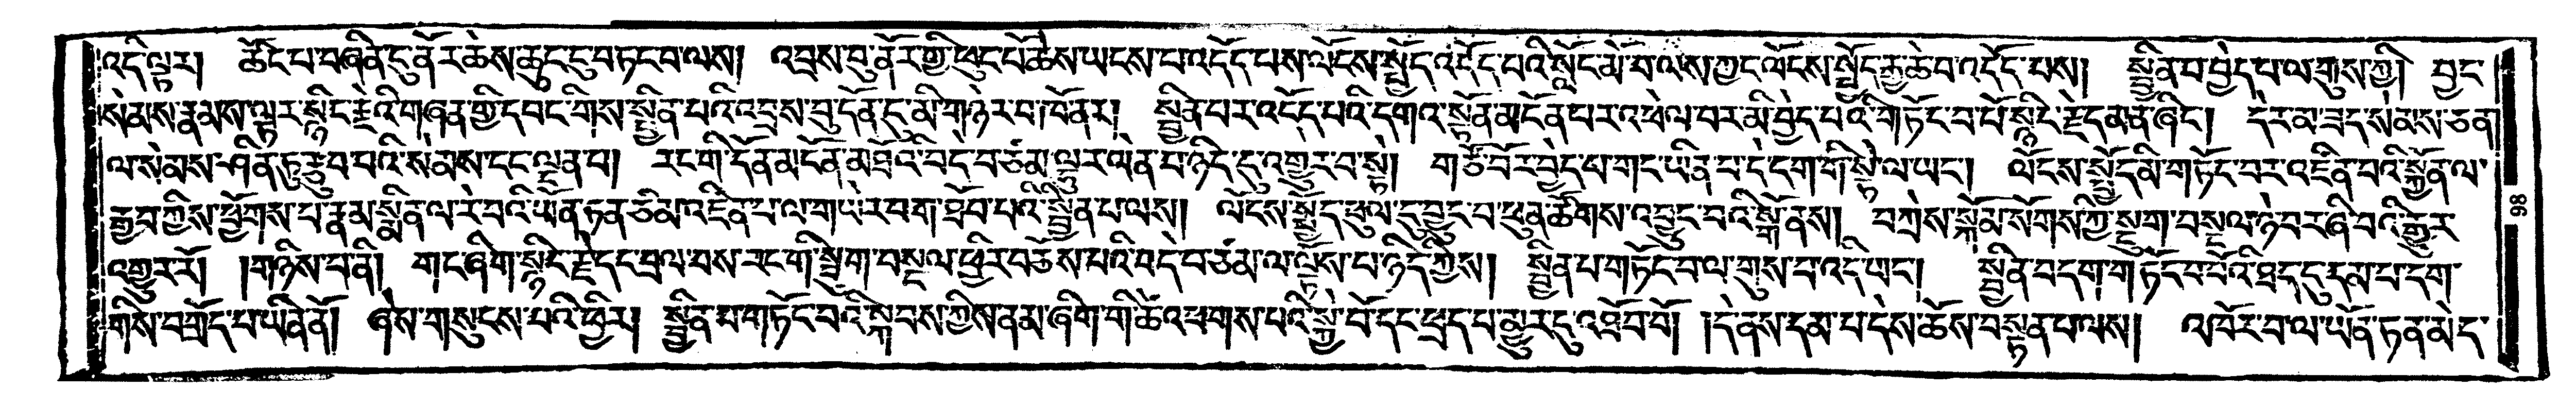འདི་ལྟར། ཚོང་པ་བཞིན་དུ་ནོར་ཆེས་ཆུང་ངུ་བཏང་བ་ལས། འབྲས་བུ་ནོར་གྱི་ཕུང་པོ་ཆེས་ཡངས་པ་འདོད་པས་ལོངས་སྤྱོད་འདོད་པའི་སློང་མོ་བ་ལས་ཀྱང་ལོངས་སྤྱོད་རྒྱ་ཆེ་བ་འདོད་པས། སྦྱིན་པ་བྱེད་པ་ལ་གུས་ཀྱི། བྱང་
སེམས་རྣམས་ལྟར་སྙིང་རྗེའི་གཞན་གྱི་དབང་གིས་སྦྱིན་པའི་འབྲས་བུ་དོན་དུ་མི་གཉེར་བ་ཁོ་ནར། སྦྱིན་པར་འདོད་པའི་དགའ་སྟོན་མངོན་པར་འཕེལ་བར་མི་བྱེད་པའི་གཏོང་བ་པོ་སྙིང་རྗེ་དམན་ཞིང་། དེར་མ་ཟད་སེམས་ཅན་
ལ་སེམས་ཤིན་ཏུ་རྩུབ་པའི་སེམས་དང་ལྡན་པ། རང་གི་དོན་མངོན་མཐོའི་བདེ་བ་ཙམ་ལྷུར་ལེན་པ་ཉིད་དུ་འགྱུར་བ་སྟེ། གཙོ་བོར་བྱེད་པ་གང་ཡིན་པ་དེ་དག་གི་སྟེ་ལ་ཡང་། ལོངས་སྤྱོད་མི་གཏོང་བར་འཛིན་པའི་སྐྱོན་ལ་
རྒྱབ་ཀྱིས་ཕྱོགས་པ་རྣམ་སྨིན་ལ་རེ་བའི་ཡོན་ཏན་ཙམ་འཛིན་པ་ལ་གཡེར་བག་ཐོབ་པའི་སྦྱིན་པ་ལས། ལོངས་སྤྱོད་ཕུལ་དུ་བྱུང་བ་ཕུན་ཚོགས་འབྱུང་བའི་སྒོ་ནས། བཀྲེས་སྐོམ་སོགས་ཀྱི་སྡུག་བསྔལ་ཉེ་བར་ཞི་བའི་རྒྱུར་
འགྱུར་རོ། །གཉིས་པ་ནི། གང་ཞིག་སྙིང་རྗེ་དང་བྲལ་བས་རང་གི་སྡུག་བསྔལ་ཕྱིར་བཅོས་པའི་བདེ་བ་ཙམ་ལ་ལྟོས་པ་ཉིད་ཀྱིས། སྦྱིན་པ་གཏོང་པ་ལ་གུས་པ་འདི་ཡང་། སྦྱིན་བདག་གཏོང་བ་པོའི་ཐད་དུ་དམ་པ་དག་
གིས་བགྲོད་པ་ཡིན་ནོ། ཞེས་གསུངས་པའི་ཕྱིར། སྦྱིན་པ་གཏོང་བའི་སྐབས་ཀྱིས་ནམ་ཞིག་གི་ཚེ་འཕགས་པའི་སྐྱེ་བོ་དང་ཕྲད་པ་མྱུར་དུ་འཐོབ་བོ། །དེ་ནས་དམ་པ་དེས་ཆོས་བསྟན་པ་ལས། འཁོར་བ་ལ་ཡོན་ཏན་མེད་